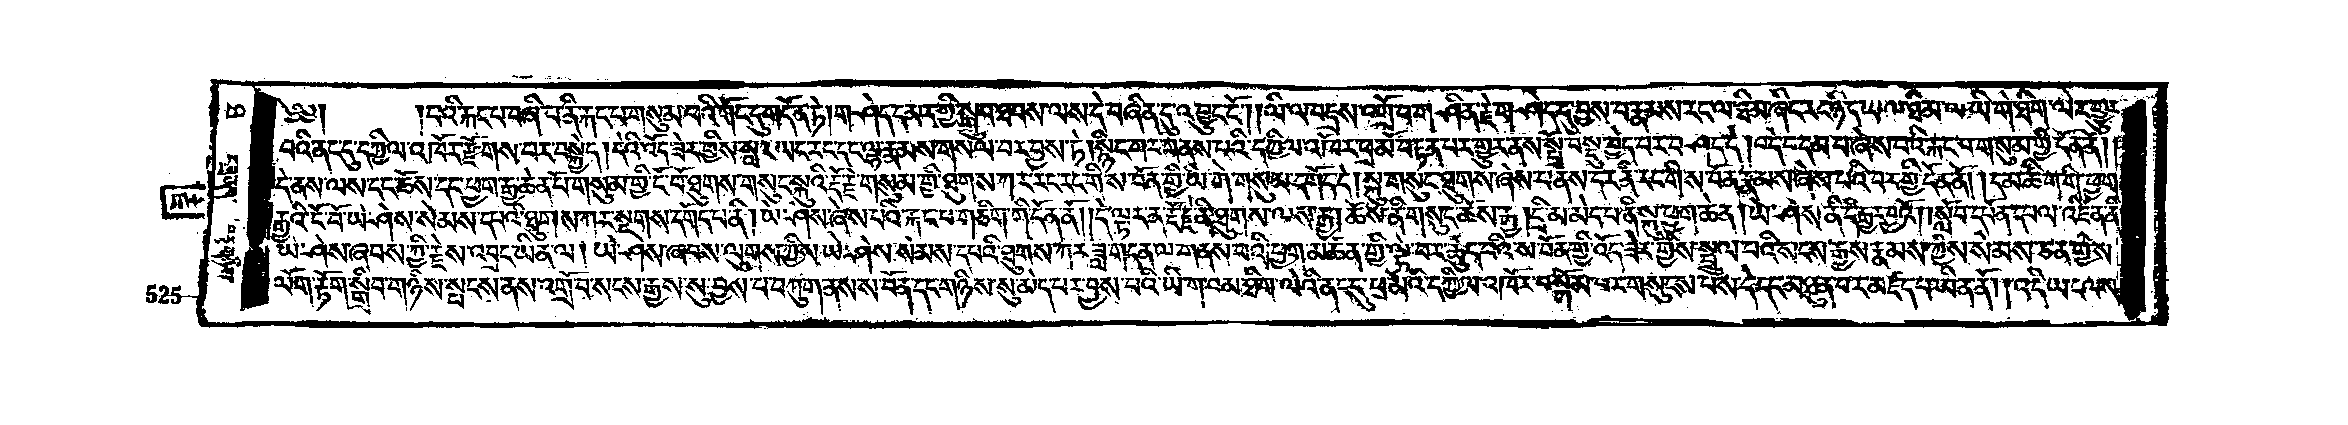༄༅། །པའི་རྐང་པ་བཞི་པ་ནི་རྐང་པ་གསུམ་པའི་གོང་དུ་གདོན་ཏེ། གཤེད་དམར་གྱི་སྒྲུབ་ཐབས་ལས་དེ་བཞིན་དུ་འབྱུང་ངོ། །ལི་ལ་བཛྲས་འགྲོ་བ་གཤིན་རྗེ་གཤེད་དུ་བྱས་པ་རྣམས་རང་ལ་ཐིམ་ཞིང་རང་ཉིད་ཡ་ལ་ཐིམ་ལ་ཡི་གེ་ཐིག་ལེར་གྱུར་
བའི་ནང་དུ་དཀྱིལ་འཁོར་རྫོགས་པར་བསྐྱེད། དེའི་འོད་ཟེར་གྱིས་སླར་ཡང་རང་དང་ལྷ་རྣམས་གསལ་བར་བྱས་ཏེ། སྙིང་གར་གནས་པའི་དཀྱིལ་འཁོར་ཕྲ་མོ་བརྟན་པར་གྱུར་ནས་སྤྲོ་བསྡུ་བྱེད་པར་བཤད་དེ། བདེ་བ་དམ་པ་ཞེས་པའི་རྐང་པ་གསུམ་གྱི་དོན་ནོ། །
དེ་ནས་ལས་དང་ཆོས་དང་ཕྱག་རྒྱ་ཆེན་པོ་གསུམ་གྱི་ངོ་བོ་ཐུགས་གསུང་སྐུའི་རྡོ་རྗེ་གསུམ་གྱི་ཐུགས་ཀར་རང་རང་གི་ས་བོན་གྱི་ཡི་གེ་གསུམ་དགོད་དེ། སྐུ་གསུང་ཐུགས་ཞེས་པ་ནས་དེར་ནི་རང་གི་ས་བོན་རྣམས་ཞེས་པའི་བར་གྱི་དོན་ནོ། །དམ་ཚིག་གི་ཕྱག་
རྒྱའི་ངོ་བོ་ཡེ་ཤེས་སེམས་དཔའི་ཐུགས་ཀར་སྔགས་དགོད་པ་ནི། ཡེ་ཤེས་ཞེས་པའི་རྐང་པ་གཅིག་གི་དོན་ནོ། །དེ་ལྟར་ན་རྡོ་རྗེ་ནི་ཐུགས་ལས་རྒྱ། ཆོས་ནི་གསུང་ཆོས་རྒྱ། དྲི་མ་མེད་པ་ནི་སྐུ་ཕྱག་ཆེན། ཡེ་ཤེས་ནི་དཾ་རྒྱར་བྱའོ། །སློབ་དཔོན་དཔལ་འཛིན་ནི་
ཡེ་ཤེས་ཞབས་ཀྱི་རྗེས་འབྲང་ཡིན་ལ། ཡེ་ཤེས་ཞབས་ལུགས་ཀྱིས་ཡེ་ཤེས་སེམས་དཔའི་ཐུགས་ཀར་ཟླ་གདན་ལ་གནས་པའི་ཕྱག་མཚན་གྱི་ལྟེ་བར་ཚུད་པའི་ས་བོན་གྱི་འོད་ཟེར་གྱིས་སྤྲུལ་པའི་སངས་རྒྱས་རྣམས་ཀྱིས་སེམས་ཅན་གྱིས་
ལོག་རྟོག་སྒྲིབ་གཉིས་སྤངས་ནས་འགྲོ་བ་སངས་རྒྱས་སུ་བྱས་པ་བཀུག་ནས་ས་བོན་དང་གཉིས་སུ་མེད་པར་བྱས་པའི་ཡི་གེ་འམ་ཐིག་ལེའི་ནང་དུ་ཕྲ་མོའི་དཀྱིལ་འཁོར་བསྒོམ་པར་གསུངས་པས་དེ་དང་མཐུན་པར་མཛད་པ་ཡིན་ནོ། །འདི་ཡང་ལས་